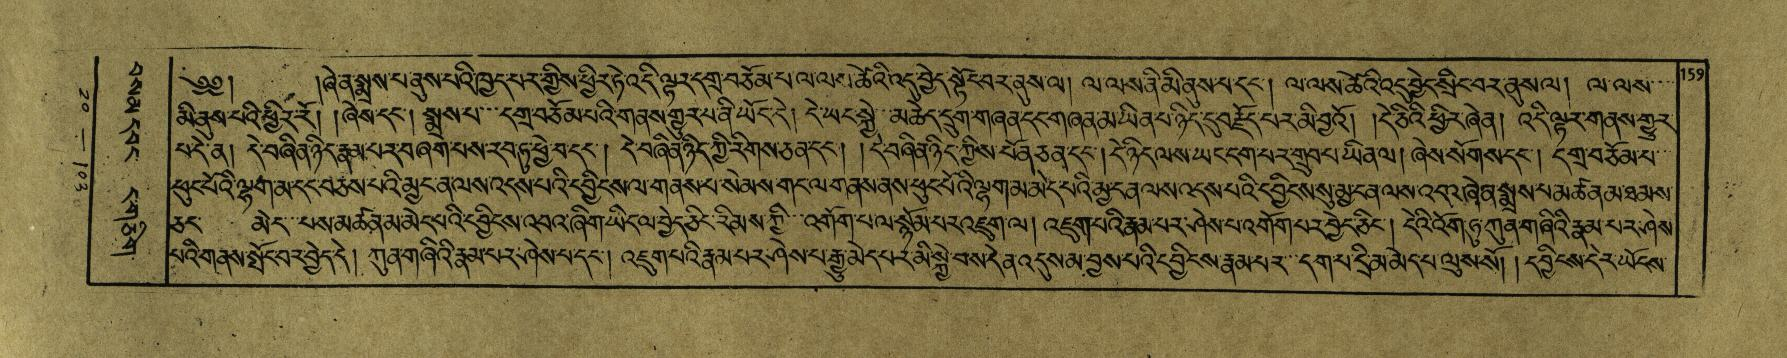༄༅། །ཞེ་ན་སྨྲས་པ་ནུས་པའི་ཁྱད་པར་གྱིས་ཕྱིར་ཏེ་འདི་ལྟར་དགྲ་བཅོམ་པ་ལ་ལས་ཚེའི་འདུ་བྱེད་སྟོང་བར་ནུས་ལ། ལ་ལས་ནི་མི་ནུས་པ་དང་། ལ་ལས་ཚེའི་འདུ་བྱེད་སྲིང་བར་ནུས་ལ། ལ་ལས་
མི་ནུས་པའི་ཕྱིར་རོ། །ཞེས་དང་། སྨྲས་པ་དགྲ་བཅོམ་པའི་གནས་གྱུར་པ་ནི་ཡོད་དེ། དེ་ཡང་སྐྱེ་མཆེད་དྲུག་གཞན་དང་གཞན་མ་ཡིན་པ་ཉིད་དུ་བརྗོད་པར་མི་བྱའོ། །དེ་ཅིའི་ཕྱིར་ཞེན། འདི་ལྟར་གནས་གྱུར་
པ་དེ་ན། དེ་བཞིན་ཉིད་རྣམ་པར་བཞག་པས་རབ་ཏུ་ཕྱེ་བ་དང་། དེ་བཞིན་ཉིད་ཀྱི་རིགས་ཅན་དང་། །དེ་བཞིན་ཉིད་ཀྱིས་པོན་ཅན་དང་།དེ་ཉིད་ལས་ཡང་དག་པར་གྲུབ་པ་ཡིན་ལ། ཞེས་སོགས་དང་། དགྲ་བཅོམ་པ་
ཕུང་པོའི་ལྷག་མ་དང་བཅས་པའི་མྱང་ན་ལས་འདས་པའི་དབྱིངས་ལ་གནས་པ་སེམས་གང་ལ་གནས་ནས་ཕུང་པོའི་ལྷག་མ་མེད་པའི་མྱ་ངན་ལས་འདས་པའི་དབྱིངས་སུ་མྱ་ངན་ལས་འདའ་ཞེ་ན་སྨྲས་པ་མཚན་མ་ཐམས་
ཅད་མེད་པས་མཚན་མ་མེད་པའི་དབྱིངས་འབའ་ཞིག་ཡིད་ལ་བྱེད་ཅིང་རིམས་ཀྱི་འགོག་པ་ལ་སྙོམ་པར་འཇུག་ལ། འཇུག་པའི་རྣམ་པར་ཤེས་པ་འགོག་པར་བྱེད་ཅིང་། དེའི་འོག་ཏུ་ཀུན་གཞིའི་རྣམ་པར་ཤེས་
པའི་གནས་སྤོང་བར་བྱེད་དེ། ཀུན་གཞིའི་རྣམ་པར་ཤེས་པ་དང་། འཇུག་པའི་རྣམ་པར་ཤེས་པ་རྒྱུ་མེད་པར་མི་སྐྱེ་བས་དེ་ན་འདུས་མ་བྱས་པའི་དབྱིངས་རྣམ་པར་དག་པ་དྲི་མ་མེད་པ་ལུས་སོ། །དབྱིངས་དེར་ཡོངས་